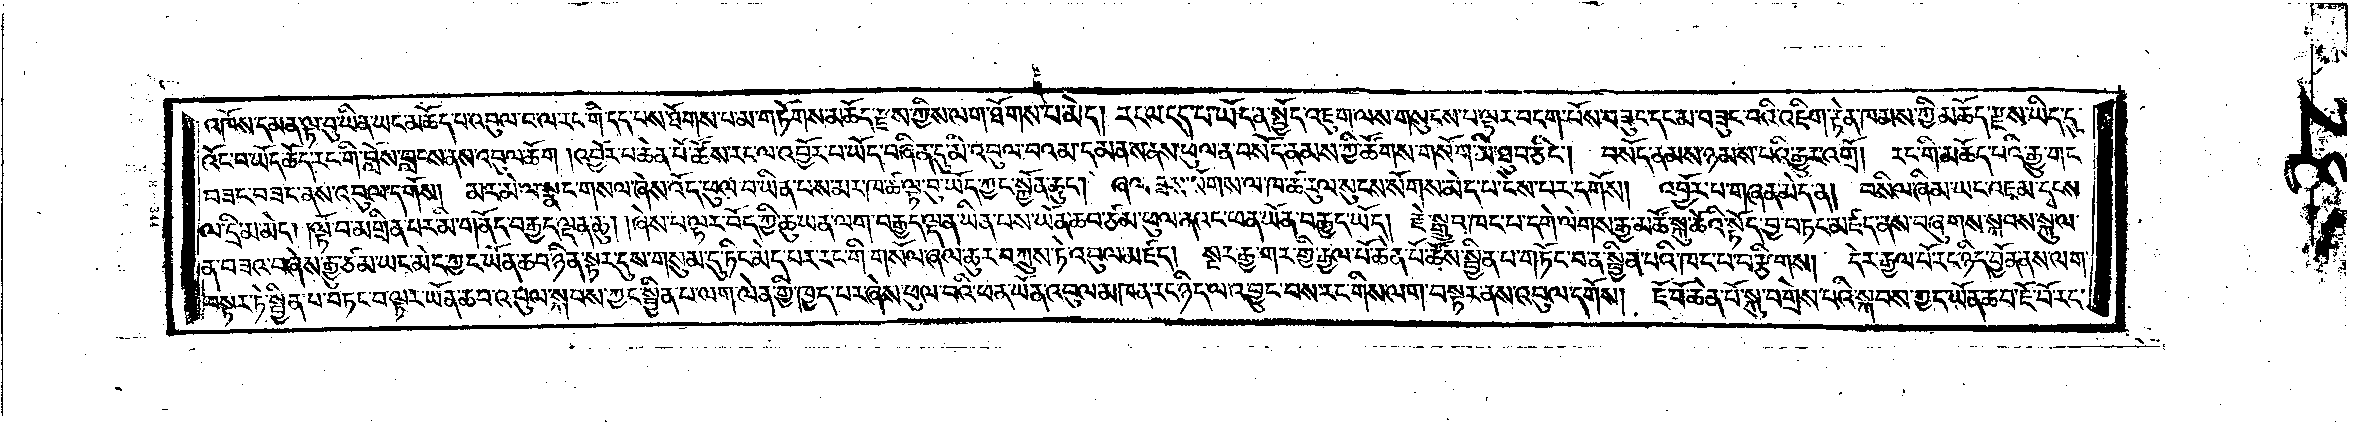འཁོས་དམན་ལྟ་བུ་ཡིན་ཡང་མཆོད་པ་འབུལ་བ་ལ་རང་གི་དད་པས་ཐོགས་པ་མ་གཏོགས་མཆོད་རྫས་ཀྱིས་ལག་ཐོགས་པ་མེད། རང་ལ་དད་པ་ཡོད་ན་སྤྱོད་འཇུག་ལས་གསུངས་པ་ལྟར་བདག་པོས་བཟུང་དང་མ་བཟུང་བའི་འཇིག་རྟེན་ཁམས་ཀྱི་མཆོད་རྫས་ཡིད་དུ་
ནམས་ཉམས་པའི་རྒྱུར་འགྲོ། རང་གི་མཆོད་པའི་རྒྱུ་གང་ཆེན་པོ་ཚོས་རང་ལ་འབྱོར་པ་ཡོད་བཞིན་དུ་མི་འབུལ་བའམ་དམན་ས་ནས་ཕུལ་ན་བསོད་ནམས་ཀྱི་ཚོགས་གསོག་མི་ཐུབ་ཅིང་། བསོད་ནམས་ཉམས་པའི་རྒྱུར་འགྲོ། རང་གི་མཆོད་པའི་རྒྱུ་གང་
བཟང་བཟང་ནས་འབུལ་དགོས། མར་མེ་ལ་སྣང་གསལ་ཞེས་འོད་ཕུལ་བ་ཡིན་པས་མར་ཁ་ཚ་ལྟ་བུ་ཡོད་ཀྱང་སྐྱོན་ཆུང་། ཞལ་ཟས་སོགས་ལ་ཁ་ཚ་རུལ་སུངས་སོགས་མེད་པ་ངེས་པར་དགོས། འབྱོར་བ་གཞན་མེད་ན། བསིལ་ཞིམ་ཡང་འཇམ་དྭངས་
ལ་དྲི་མ་མེད། །ལྟོ་བས་གྲིན་པར་མི་གནོད་བརྒྱད་ལྡན་ཆུ། །ཞེས་པ་ལྟར་བོད་ཀྱི་ཆུ་ཡན་ལག་བརྒྱད་ལྡན་ཡིན་པས་ཡོན་ཆབ་ཙམ་ཕུལ་ནའང་ཕན་ཡོན་བརྒྱད་ཡོད། རྗེ་སྒྲུབ་ཁང་པ་དགེ་ལེགས་རྒྱ་མཚོ་སྐུའི་ཚེའི་སྟོང་བྱ་བ་བཏང་མཛད་ནས་བཞུགས་སྐབས་སྐུ་ལ་
ན་བཟའ་བ་ཞེས་རྒྱུ་ཙམ་ཡང་མེད་ཀྱང་ཡོན་ཆབ་ཉིན་སྟར་དུས་གསུམ་དུ་ཏིང་མེད་པར་རང་གི་གསོལ་ཞལ་ཆུར་བཀྲུས་ཏེ་འབུལ་མཛད། སྔར་རྒྱ་གར་གྱི་རྒྱལ་པོ་ཆེན་པོ་ཚོས་སྦྱིན་པ་གཏོང་བ་ན་སྦྱིན་པའི་ཁང་པ་བརྩིགས། དེར་རྒྱལ་པོ་རང་ཉིད་བྱོན་ནས་ལག་
བསྟར་ཏེ་སྦྱིན་པ་བཏང་བ་ལྟར་ཡོན་ཆབ་འབུལ་སྐབས་ཀྱང་སྦྱིན་པ་ལག་ལེན་གྱི་ཁྱད་པར་ཞེས་ཕུལ་བའི་ཕན་ཡོན་འབུལ་མཁན་རང་ཉིད་ལ་འབྱུང་བས་རང་གིས་ལག་བསྟར་ནས་འབུལ་དགོས། ཇོ་བོ་ཆེན་པོ་སྐུ་བ་གྲེས་པའི་སྐབས་ཀྱང་ཡོན་ཆབ་ཇོ་བོ་རང་